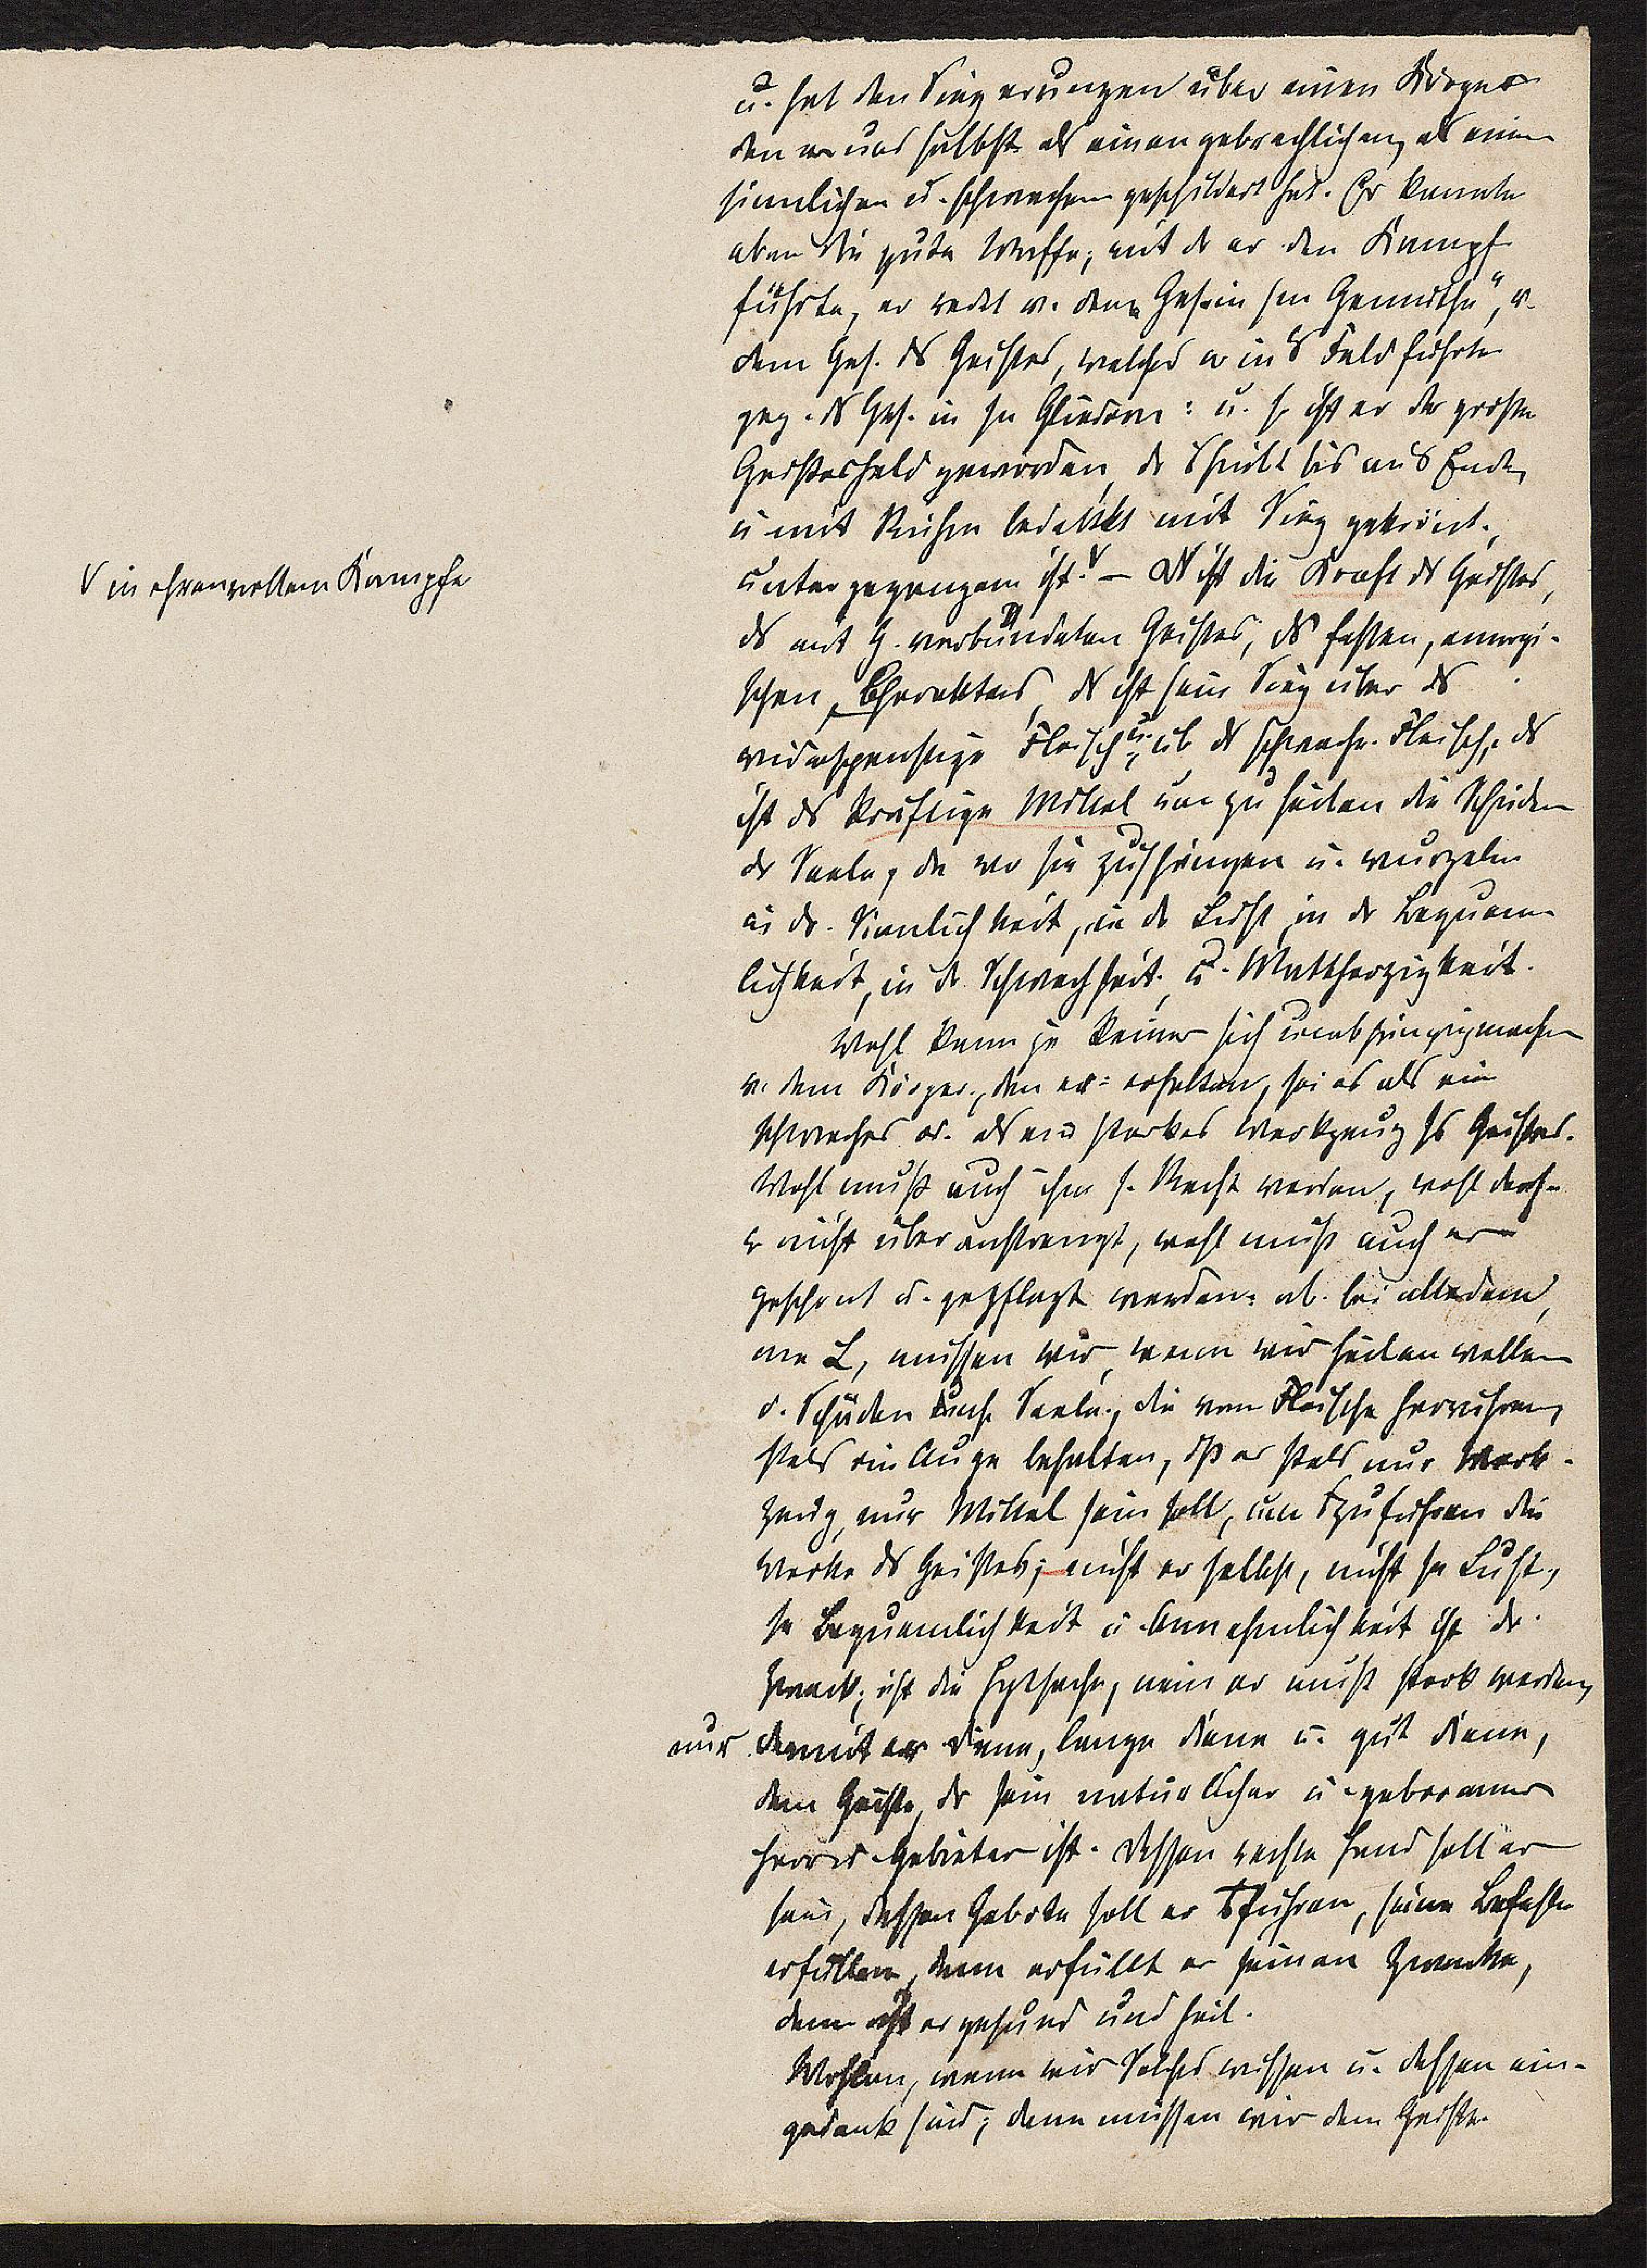V in ehrenvollem Kampfe
nur
u. hat den Sieg errungen über einen Krieger
den er uns selbst als einen gebrechlichen, als einen
sinnlichen u schwachen geschildert hat. Er kannte
eben die gute Waffe, mit dr er den Kampf
führt, er redet v. dem Gesein sm Gemüthe," v.
dem Ges. des Geistes, welches er in's Feld führte
geg. das Ges. in seinen Gliedern: u. so ist er der größte
Geistesheld geworden, der shält bis an's Ende,
u mit Ruhm bedenk mit Sieg gekrönt.
untergegaengen ist . V _ Ds ist die Kraft dr Geistes,
ds mit G. verbündeten Geistes, ds festen, energi¬
schen, Charakters, ds ist sein Sieg über ds
widerspennstige Fleisch u. üb. ds schwache Fleisch, das
ist ds kräftige Mittel, um zu heilen die Schäden
der Seele, da wo sie zushängen u. wurzeln
in dr. Sinnlichkeit, in der Lust, in dr Bequem¬
lichkeit, in dr. Schwachheit u. Mattherzigkeit.
Wohl kann ja keiner sich unabhängigmachen
v. dem Körper., den er erhalten, sei es als ein
schwaches ob. als ein starkes Werkzeug ss Geistes.
Wohl muß auch ihm s. Recht werden, wohl darf
er nicht überanstrenge, wohl mußt auch er
geschont d. gepflegt werden ab. bei alledem,
mn L., müssen wir, wenn wir heilen wollen
d. Schäden unsr Seele, die vom Fleische herrühren,
stets im Auge behalten, daß er stets nur Werk¬:
zeug, nur Mittel sein soll, um szuführen die
Werke des Geistes; nicht er selbst, nicht sn Lust,
sn Bequemlichkeit u Annehmlichkeit ist dr.
Zweck, ist die Hptsache, nein er mußt stark werden,
damit er diene, lange diene u. gut diene,
dem Geiste, dr sein natürlicher u geborener
Herr u Gebieter ist. Dessen rechte Hand soll er
sein, dessen Gebote soll er sführen, seine Befehle
erfüllen, dann erfüllt er seinen Zwecke,
dann ist er gesund und heil.
Wohlann, wenn wir solches wissen u. dessen ein¬
gedenkt sind; dann müssen wir dem Geiste